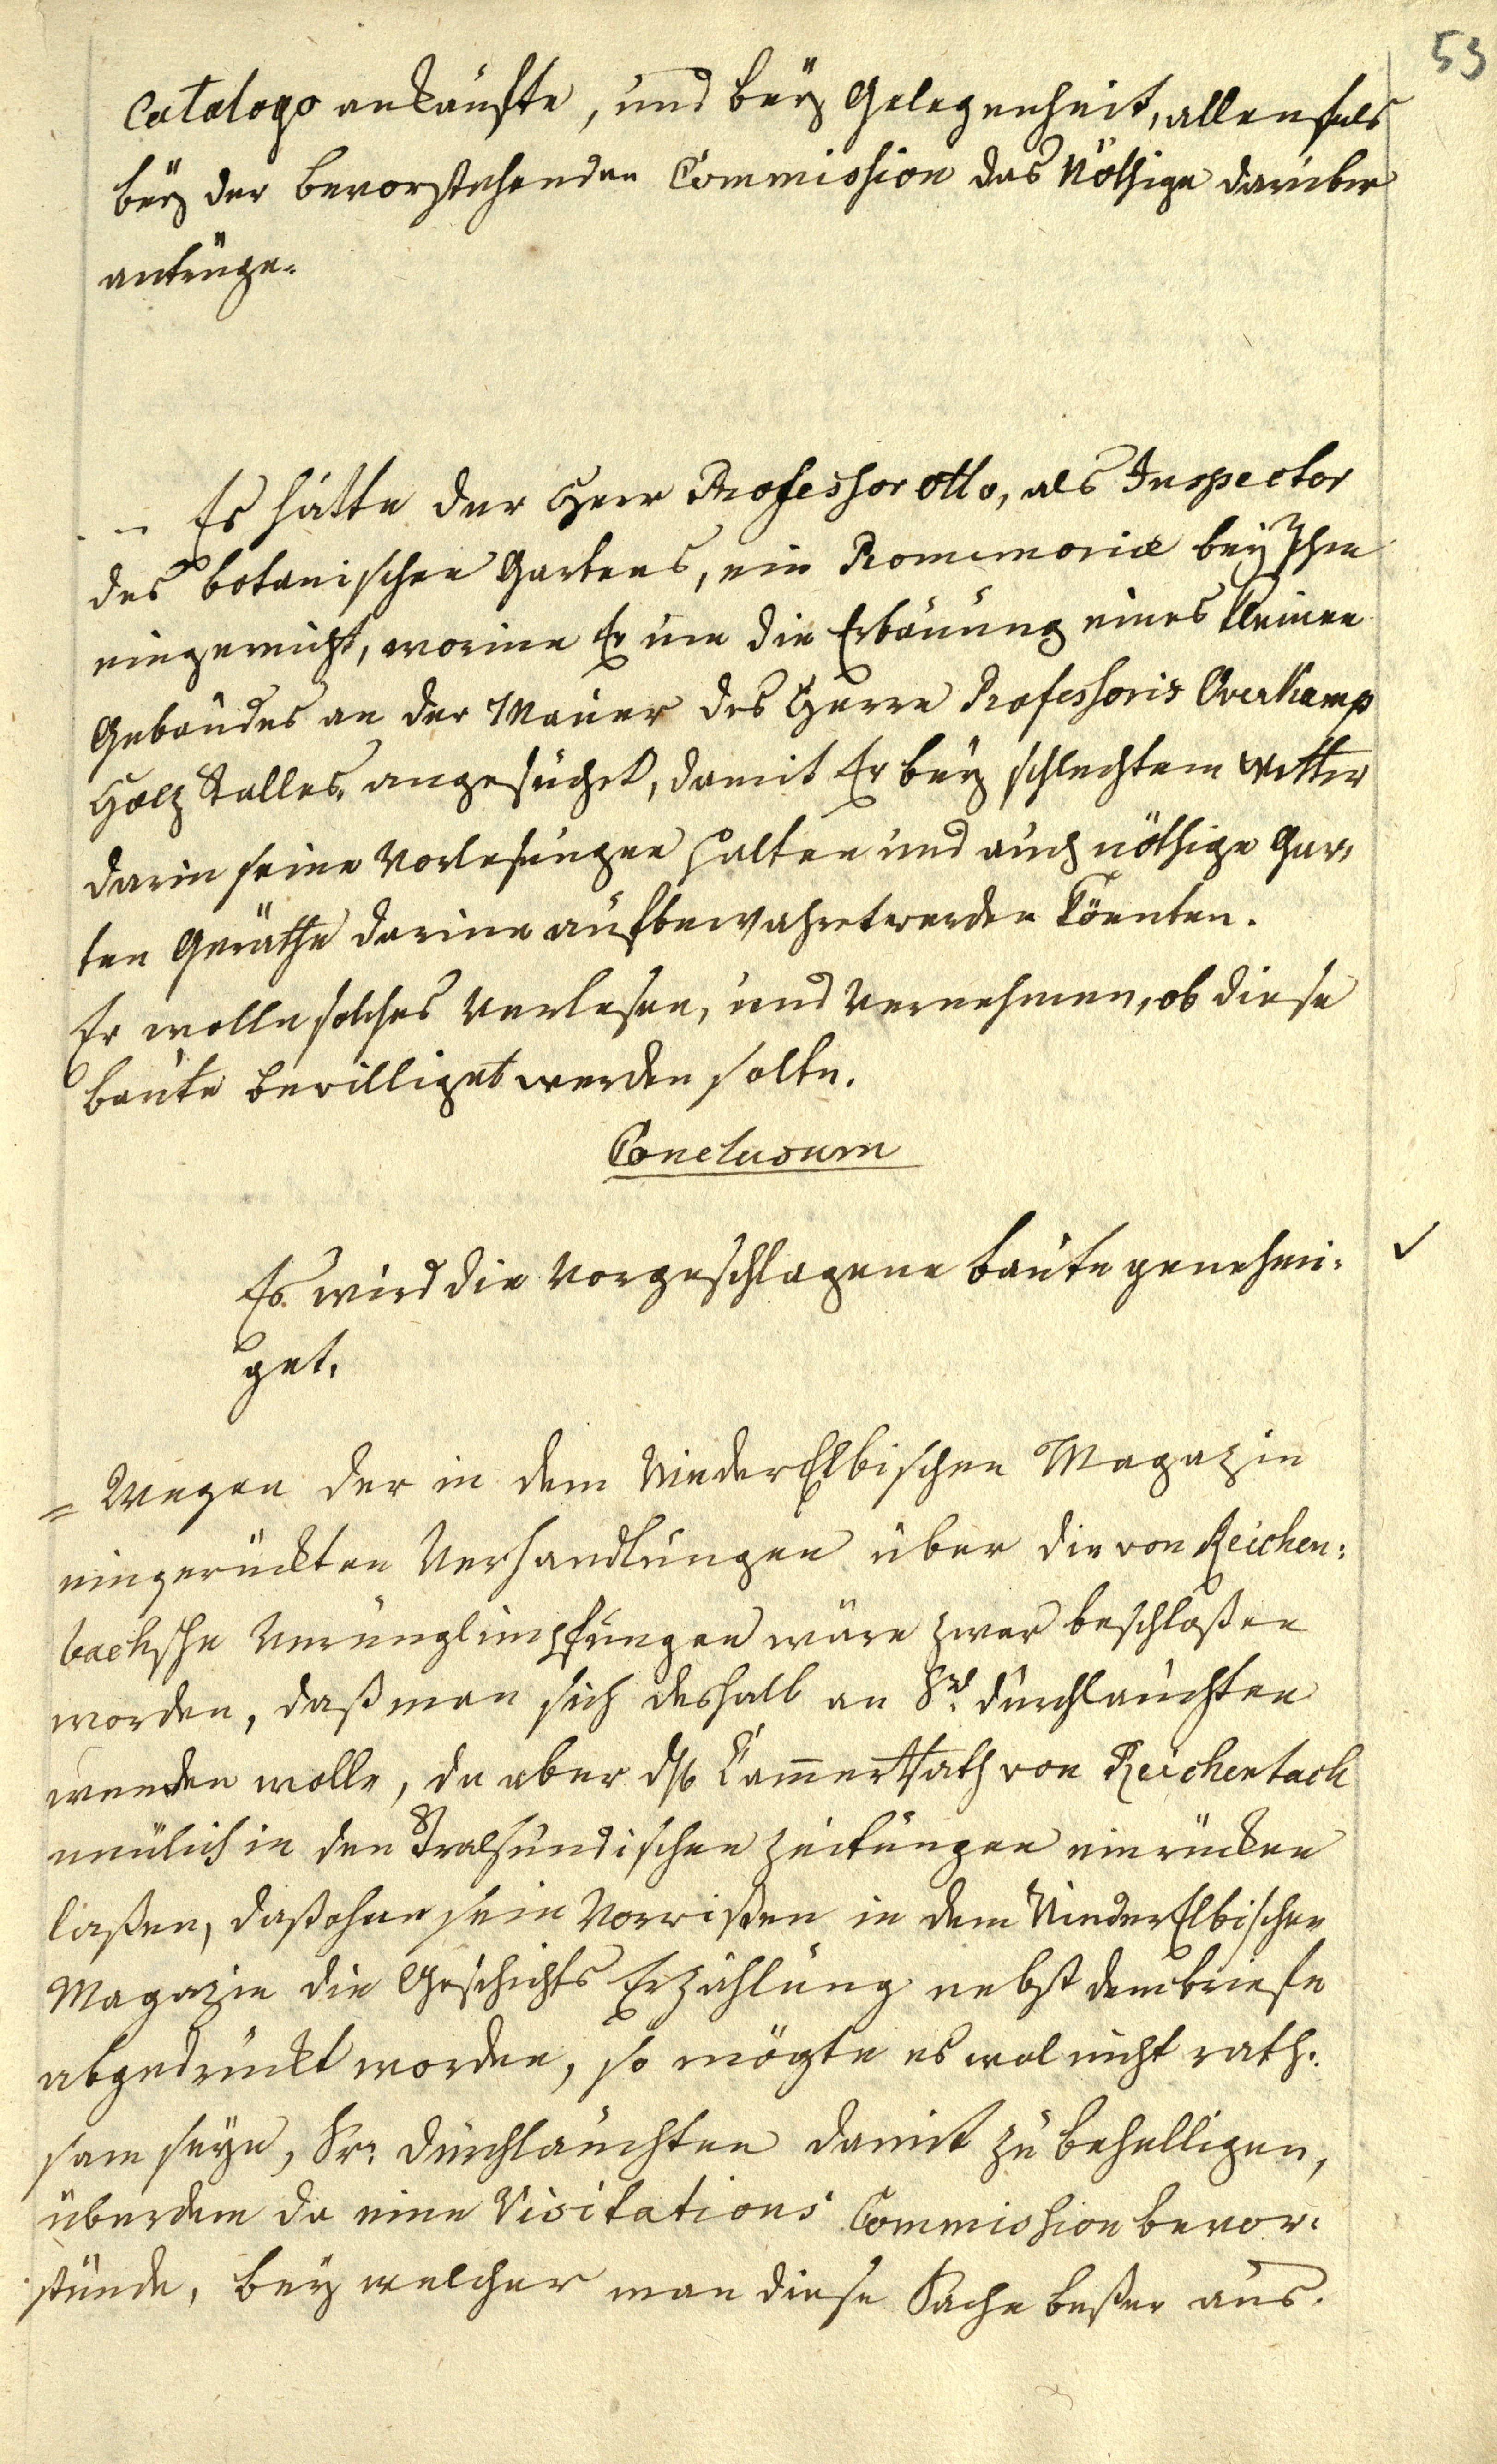Catalogo ankaufte, und beÿ Gelegenheit, allenfals
beÿ der bevorstehenden Commission das Nöthige darüber
antrüge.
Es hätte der Herr Professor Otto, als Inspector
des botanischen Gartens, ein Promemoria beÿ Ihm
eingereicht, worin Er um die Erbauung eines kleinen
Gebäudes an der Mauer des Herrn Professoris Overkamp
Holz Stalles angesuchet, damit Er beÿ schlechtem Wetter
darin seine Vorlesungen halten und auch nöthige Gar¬
ten Geräthe darinn aufbewahret werden könnten.
Er wolle solches verlesen, und vernehmen, ob diese
Baute bewilliget werden solte.
Conclusum
Er wird die vorgeschlagene Baute genehmi¬
get.
Wegen der in dem NiederElbischen Magazin
eingerückten Verhandlungen über die von Reichen¬
bachsche Verunglimpfungen wäre zwar beschloßen
worden, daß man sich deshalb an Sr Durchlauchten
wenden wolle, da aber dh CamerRath von Reichenbach
neulich in den Stralsundischen Zeitungen einrücken
laßen, daß ohne sein Vorwißen in dem NiederElbischen
Magazin die Geschichts Erzählung nebst dem Briefe
abgedruckt worden, so mögte es wol nicht rath¬
sam seÿn, Sr Durchlauchten damit zu behelligen,
überdem da eine Visitations Commission bevor¬
stünde, beÿ welcher man diese Sache besser aus¬